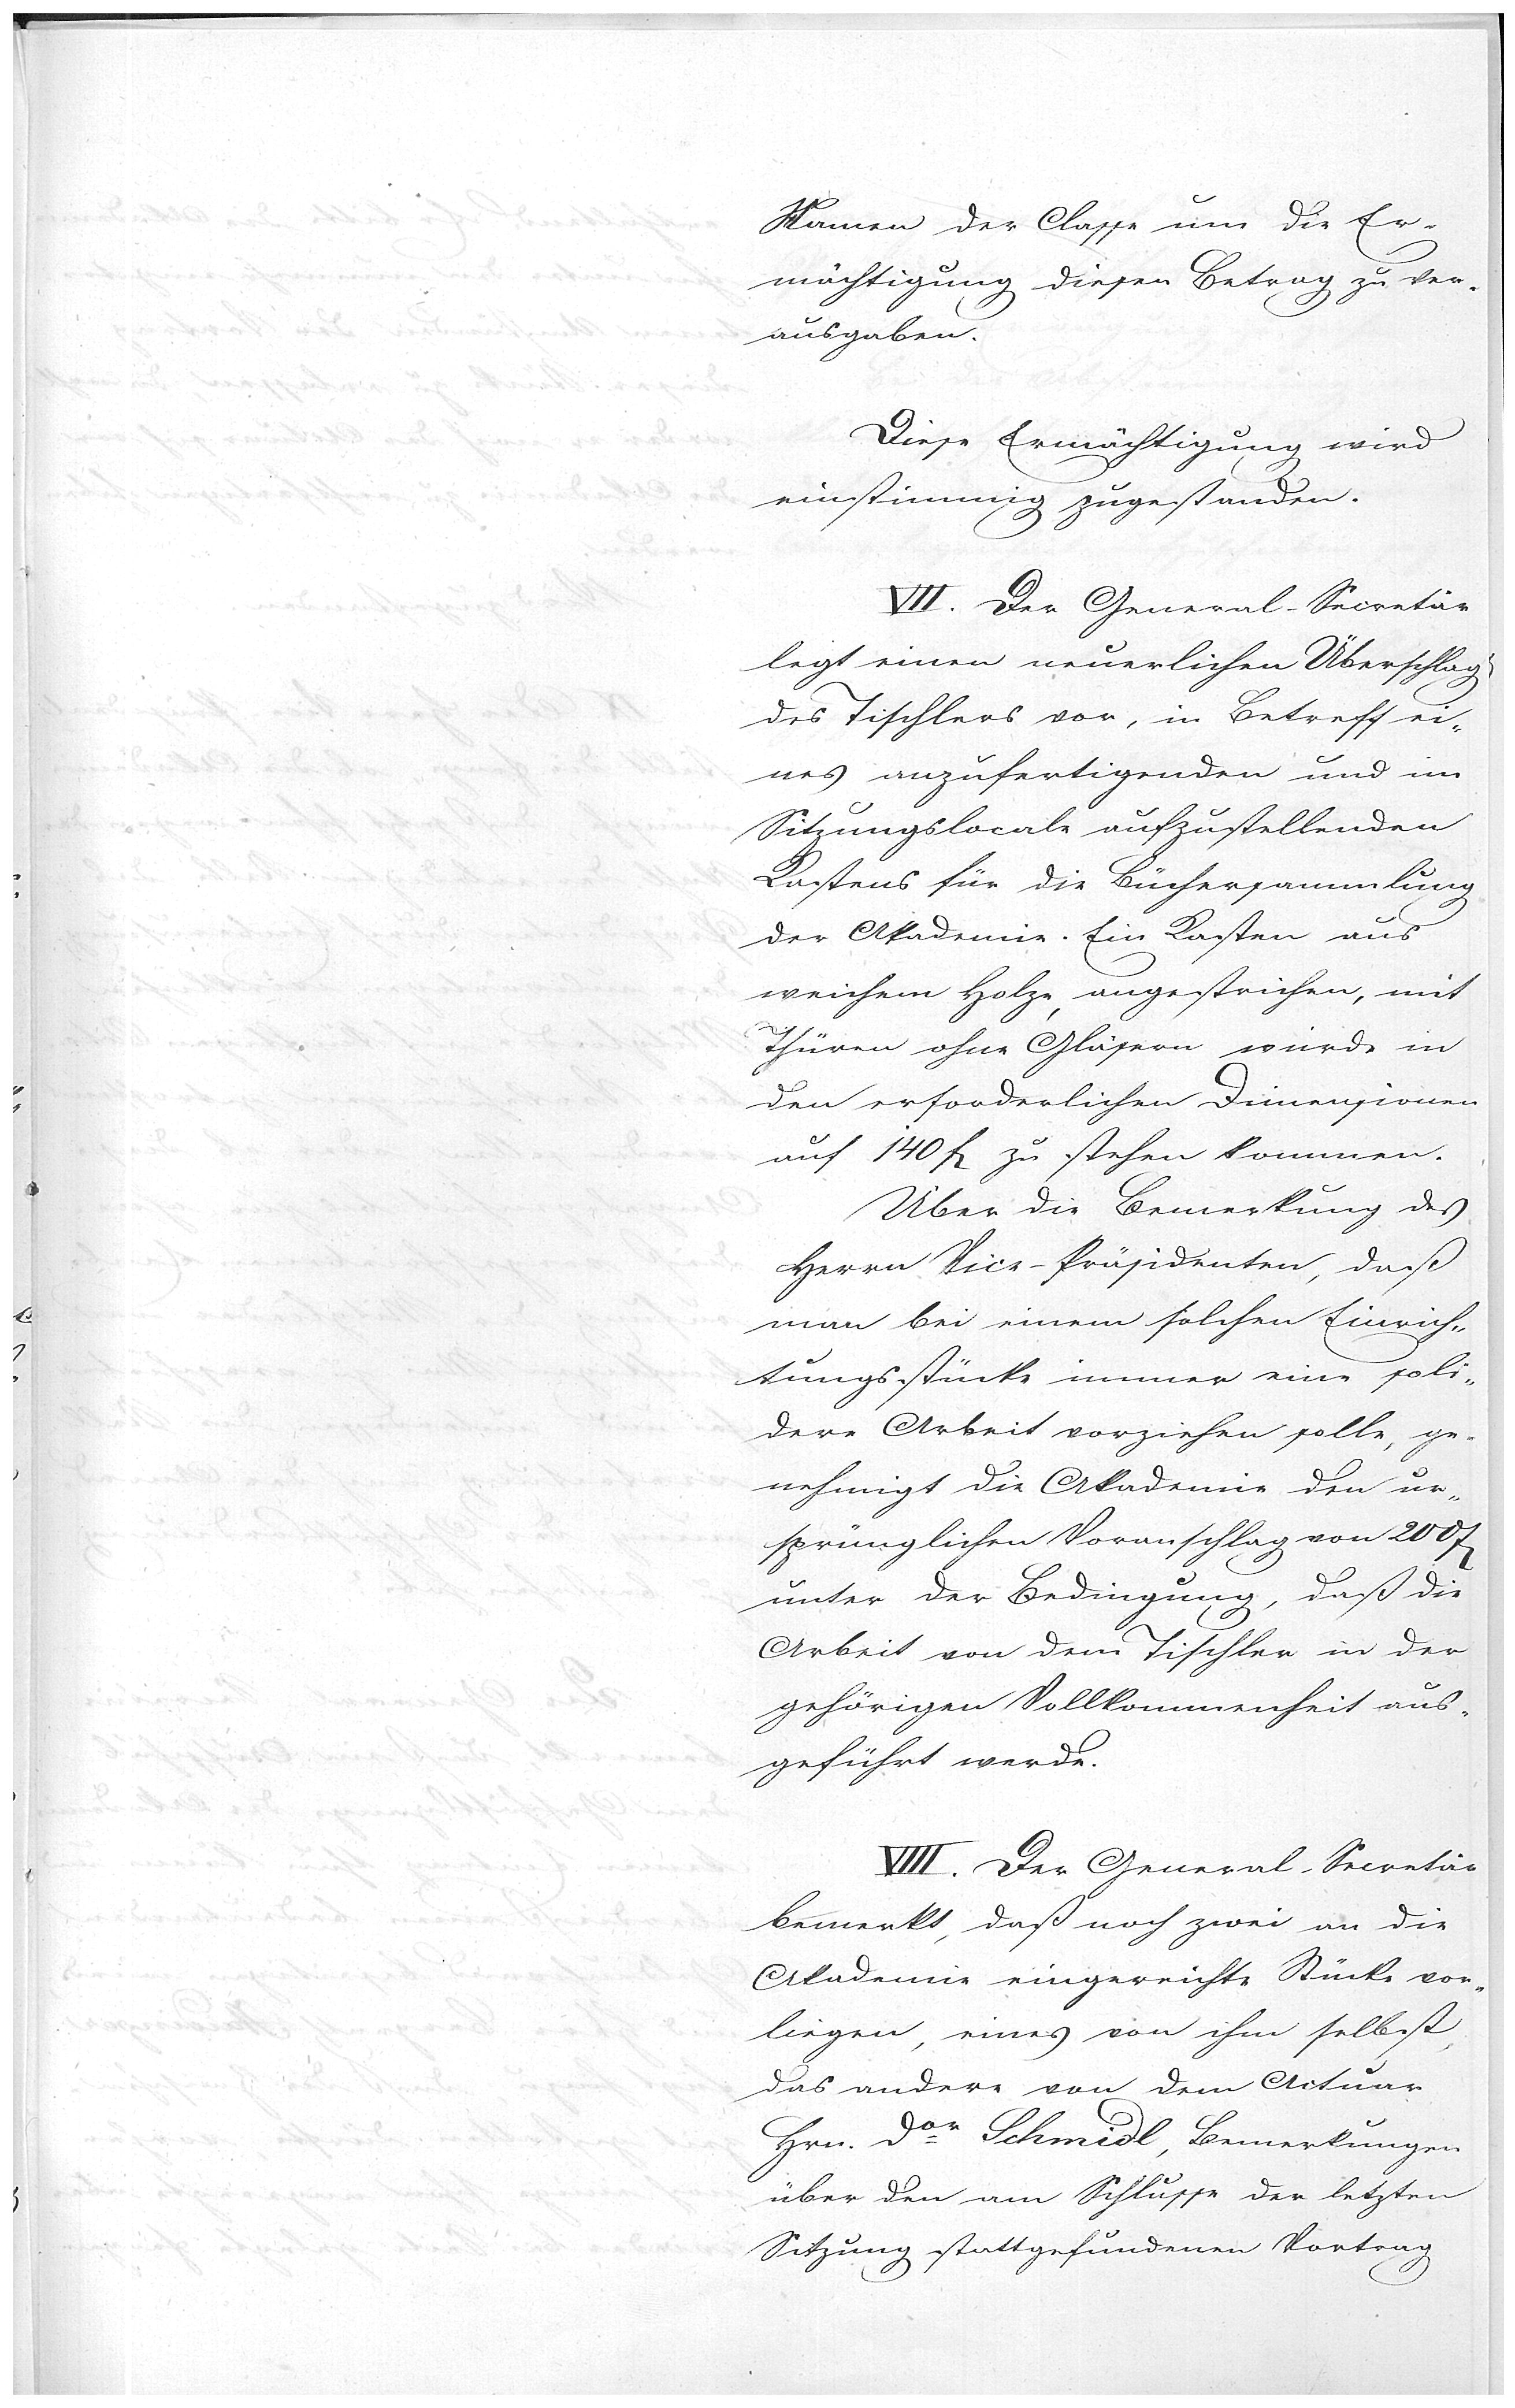Namen der Classe um die Er-
mächtigung diesen Betrag zu ver-
ausgaben.
Diese Ermächtigung wird
einstimmig zugestanden.
VII. Der General-Secretär
legt einen neuerlichen Überschlag
des Tischlers vor, in Betreff ei-
nes anzufertigenden und im
Sitzungslocale aufzustellenden
Kastens für die Büchersammlung
der Akademie. Ein Kasten aus
weichem Holze, angestrichen, mit
Thüren ohne Gläsern würde in
den erforderlichen Dimensionen
auf 140 fl zu stehen kommen.
Über die Bemerkung des
Herrn Vice-Präsidenten, daß
man bei einem solchen Einrich-
tungsstücke immer eine soli-
dere Arbeit vorziehen solle, ge-
nehmigt die Akademie den ur-
sprünglichen Voranschlag von 200 fl
unter der Bedingung, daß die
Arbeit von dem Tischler in der
gehörigen Vollkommenheit aus-
geführt werde
VIII. Der General-Secretär
bemerkt, daß noch zwei an die
Akademie eingerichte Stücke vor-
liegen, eines von ihm selbst
das andere von dem Actuar
Hrn Dor Schmidl, Bemerkungen
über den am Schlusse der letzten
Sitzung stattgefundenen Vortrag